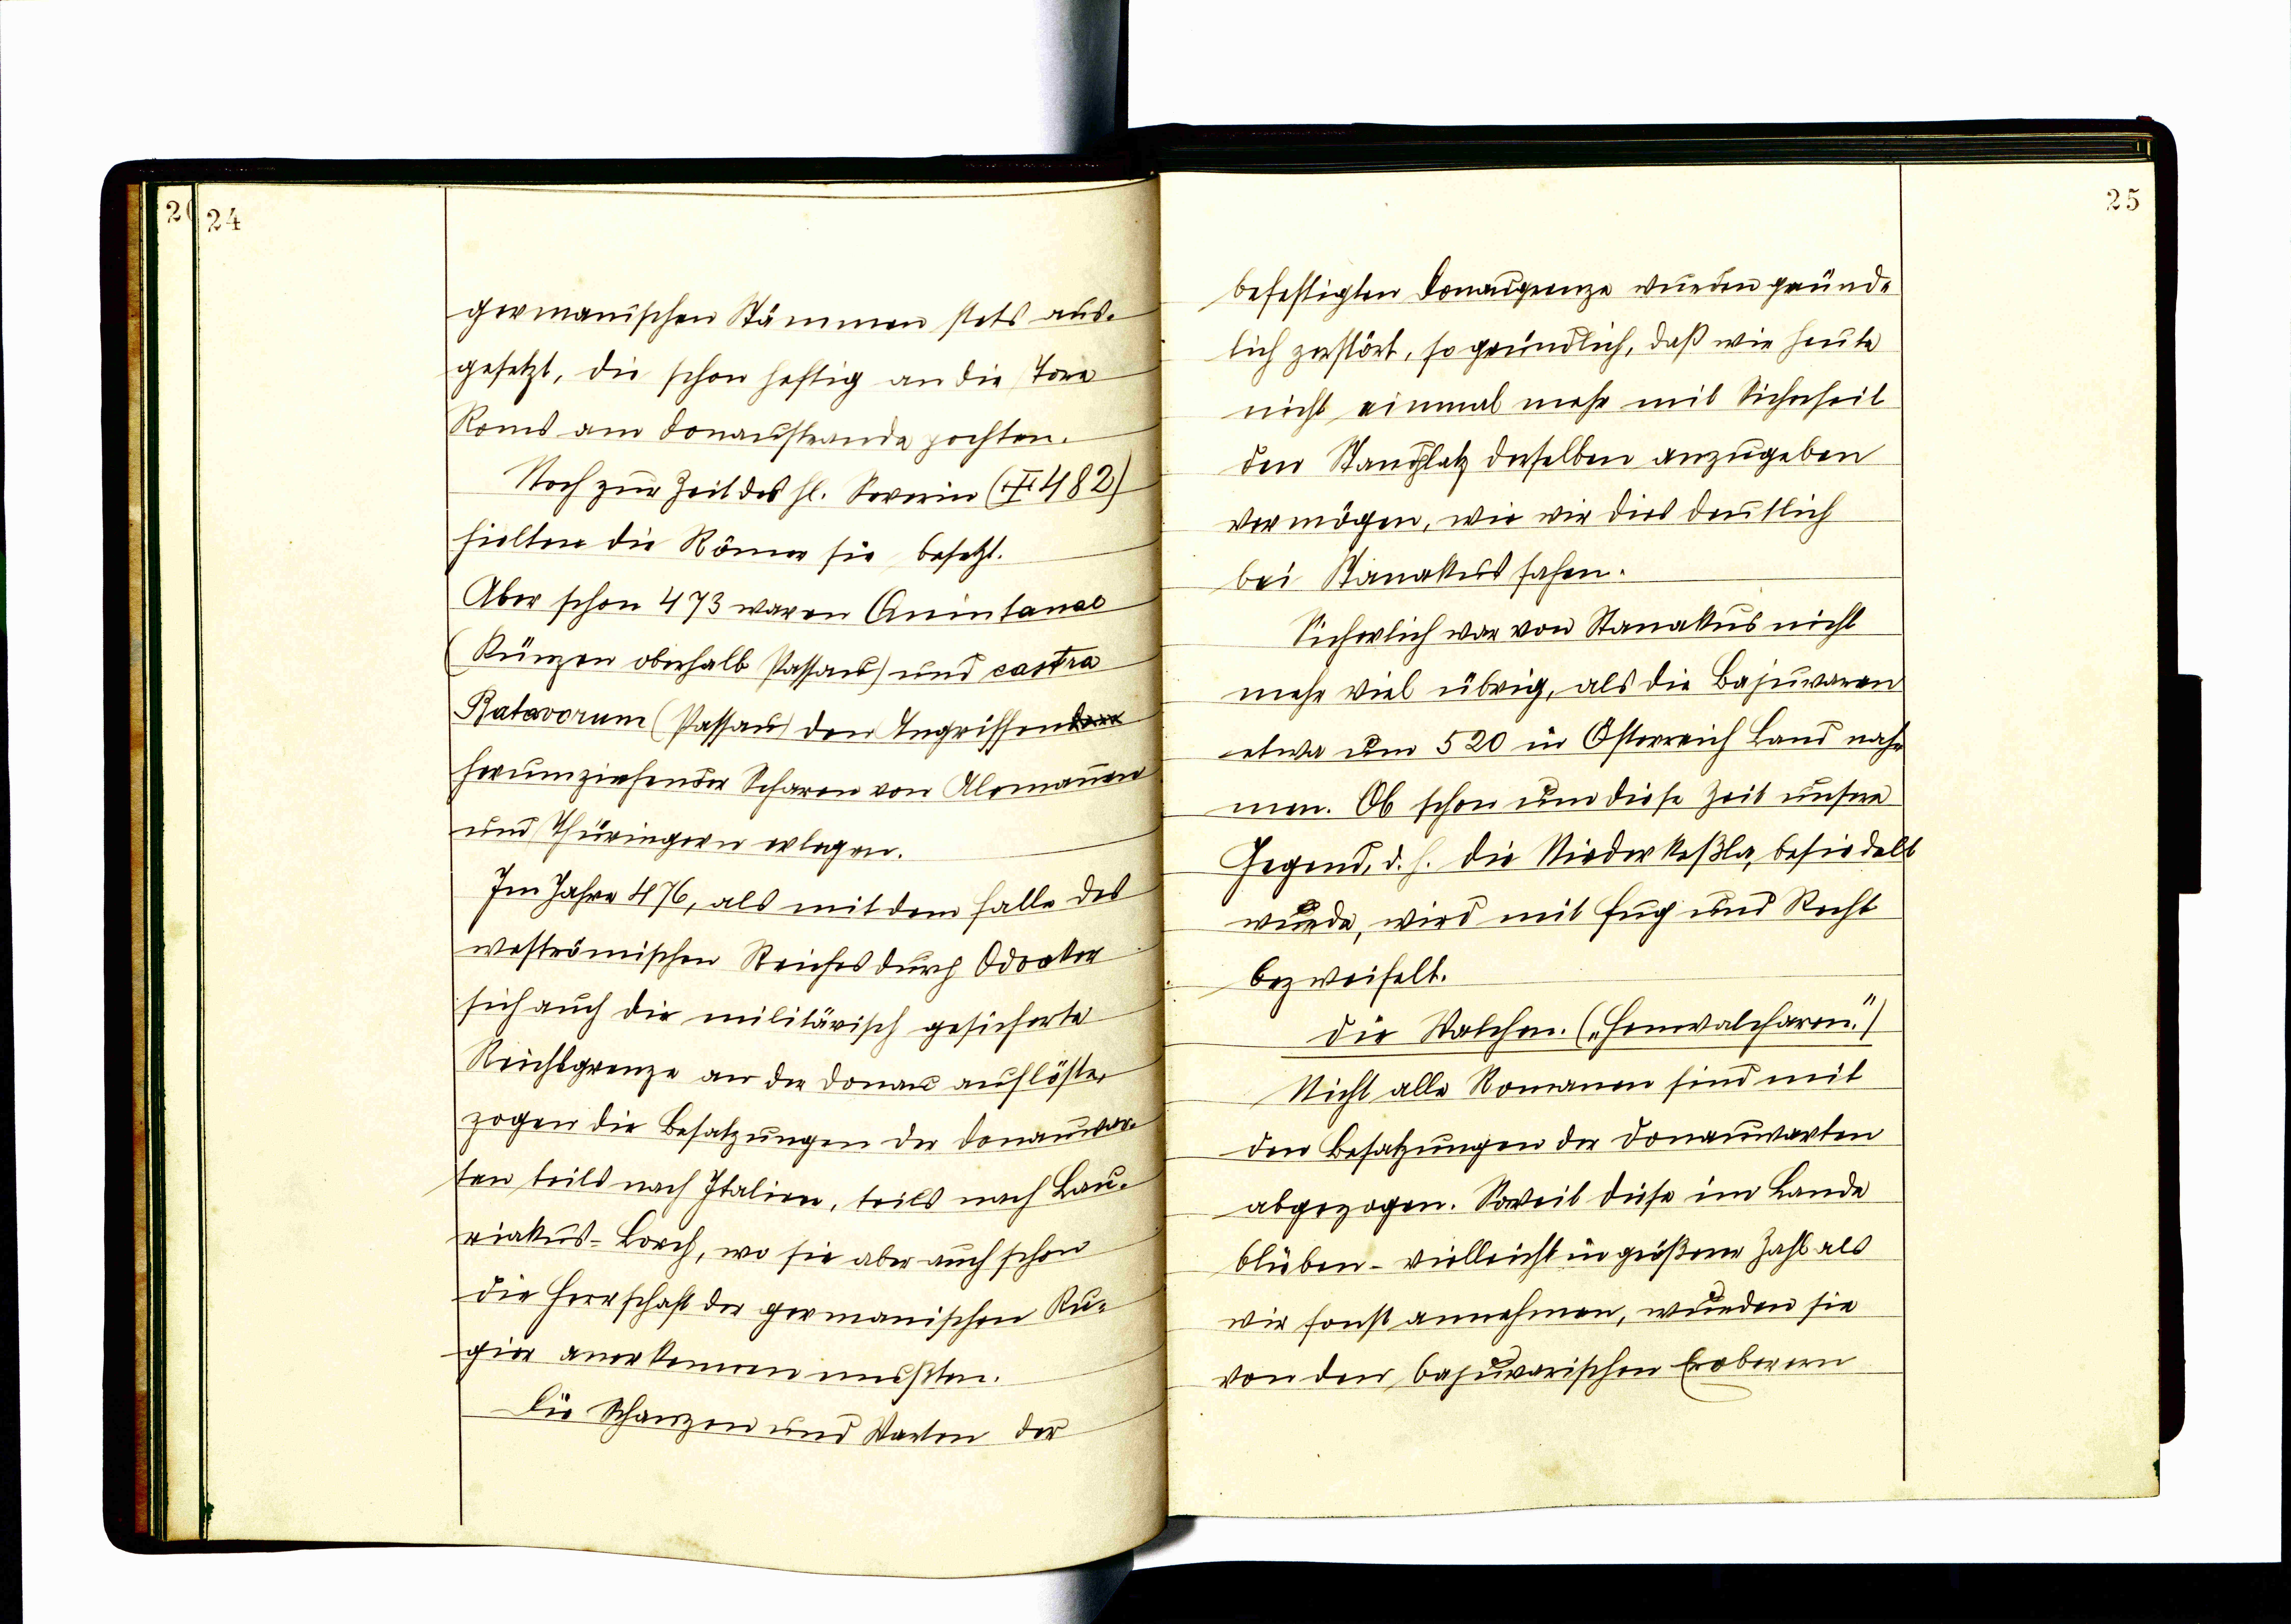germanischen Stämmen steht aus-
gesetzt, die schon heftig an die Tore
Roms am Donaustrande pochten.
Noch zur Zeit des Hl. Severin (+ 482)
hielten die Römer sie besetzt.
Aber schon 473 waren Quintanac
(Rünzen oberhalb Passau) und castra
Batavorum (Passau) den Angriffen
herumziehender Scharen von Alemannen
und Thüringern erlegen.
Im Jahre 476, als mit dem falle des
weströmischen Reiches durch Odoaker
sich auch die militärisch gesicherte
Reichsgrenze an der Donau auflöste,
zogen die Besatzungen der Donauwar-
ten teils nach Italien, teils nach Lau-
riakus-Lorch, wo sie aber auch schon
die Herrschaft der germanischen Ru-
gier anerkennen mußten.
Die Schanzen und Warten der
befestigten Donaugrenze wurden gründ-
lich zerstört, so gründlich, daß wir heute
nicht einmal mehr mit Sicherheit
den Standplatz derselben anzugeben
vermögen, wie wir dies deutlich
bei Stanakus sahen.
Sicherlich war von Stanakus nicht
mehr viel übrig, als die Bajuvaren
etwa um 520 in Österreich Land nah-
men. Ob schon um diese Zeit unsere
Gegend d.h. die Niederkeßla, besiedelt
wurde, wird mit Fug und Recht
bezweifelt.
Die Walchen. („Henwalcharen“)
Nicht alle Romanen sind mit
den Besatzungen der Donauwarten
abgezogen, Soweit diese im Lande
blieben – vielleicht in größerer Zahl als
wir sonst annehmen, wurden sie
von den bajuwarischen Eroberern